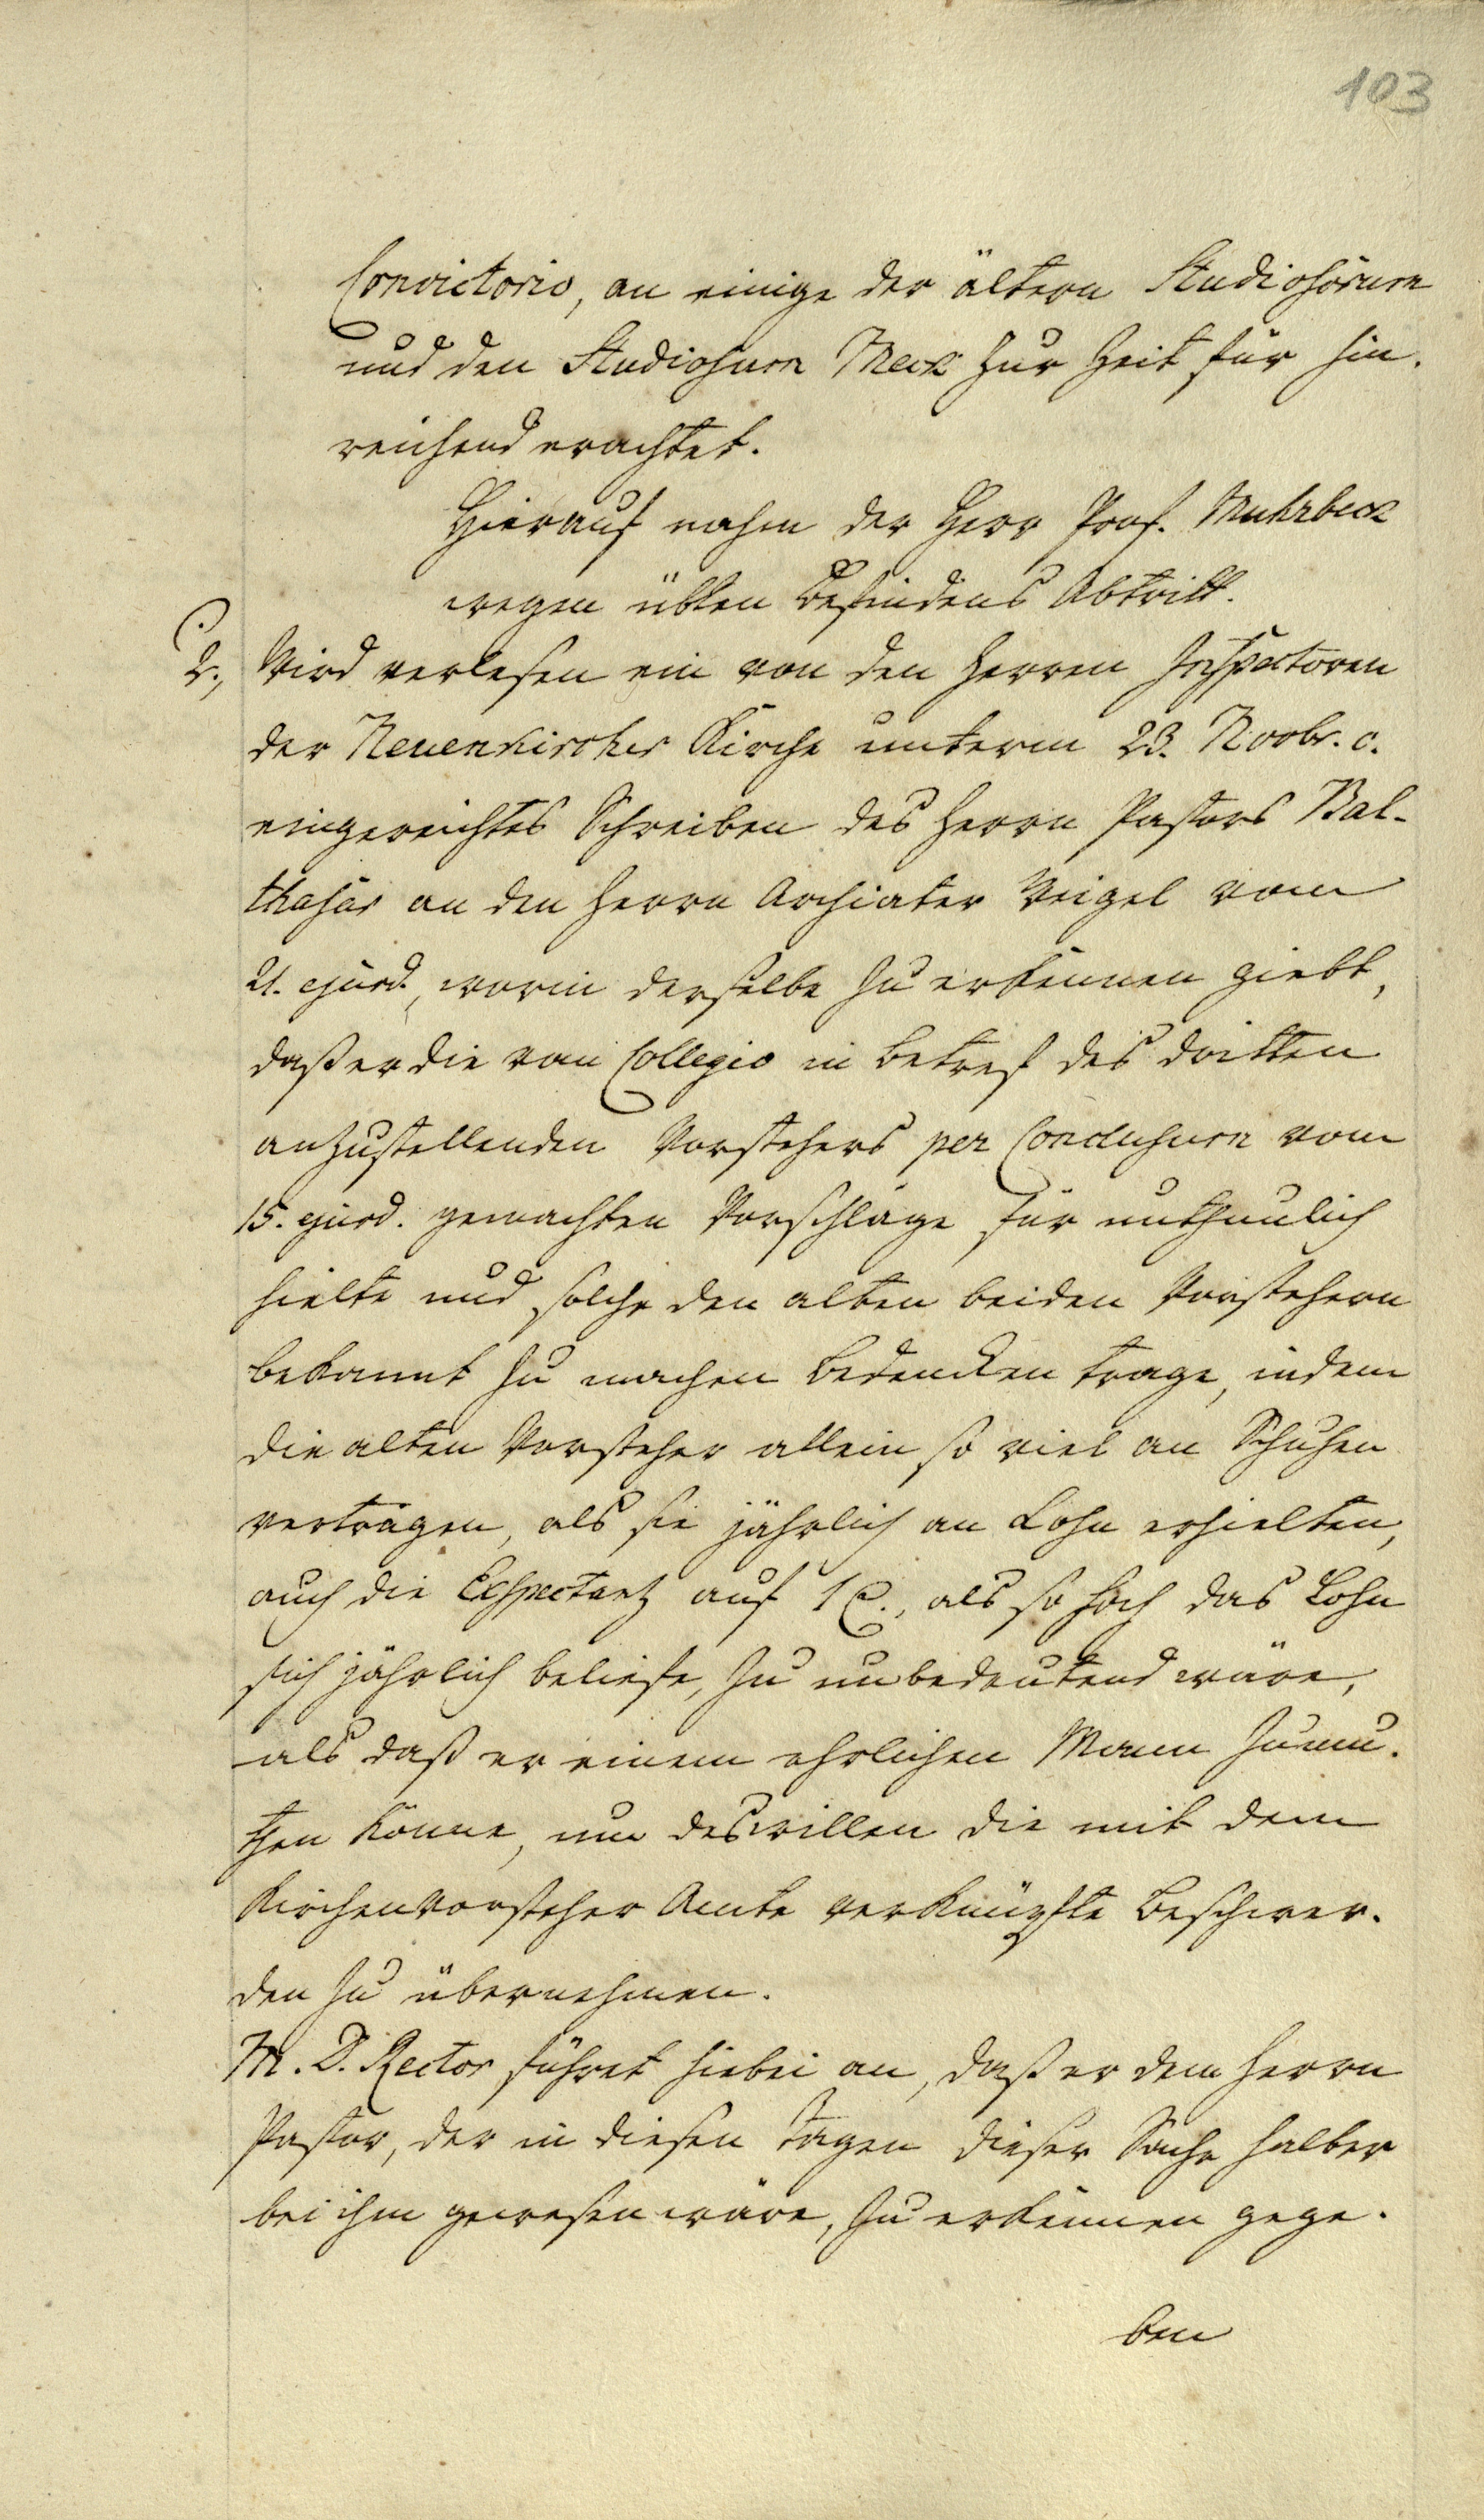Convictorio, an einige der ältern Studiosorum
und den Studiosum Meck zur Zeit für hin¬
reichen erachtet.
Hierauf nahm der Herr Prof. Muhrbeck
wegen üblen Befindens Abtritt.
2. Wird verlesen ein von den Herren Inspectoren
der Neuenkircher Kirche unterm 23. Novbr. c.
eingereichtes Schreiben des Herrn Pastors Bal¬
thasar an den Herrn Archiater Weigel vom
21. ejusd. worin derselbe zu erkennen giebt,
daß er die vom Collegio in Betref des dritten
anzustellenden Vorstehers per Conclusum vom
15. ejusd. gemachten Vorschläge für unthunlich
hielte und solche den alten beiden Vorstehern
bekannt zu machen Bedencken trage, indem
die alten Vorsteher allein so viel an Schuhen
verträgen, als sie jährlich an Lohn erhielten,
auch die Expectanz auf 1 l., als so hoch das Lohn
sich jährlich beliefe, zu unbedeutend wäre,
als daß er einem ehrlichen Mann zumu¬
then könne und deswillen die mit dem
Kirchenvorsteher Amte verknüpfte Beschwer¬
den zu übernehmen.
M. D. Rector führet hiebei an, daß er dem Herrn
Pastor, der in diesen Tagen dieser Sache halber
bei ihm gewesen wäre, zu erkennen gege¬
ben